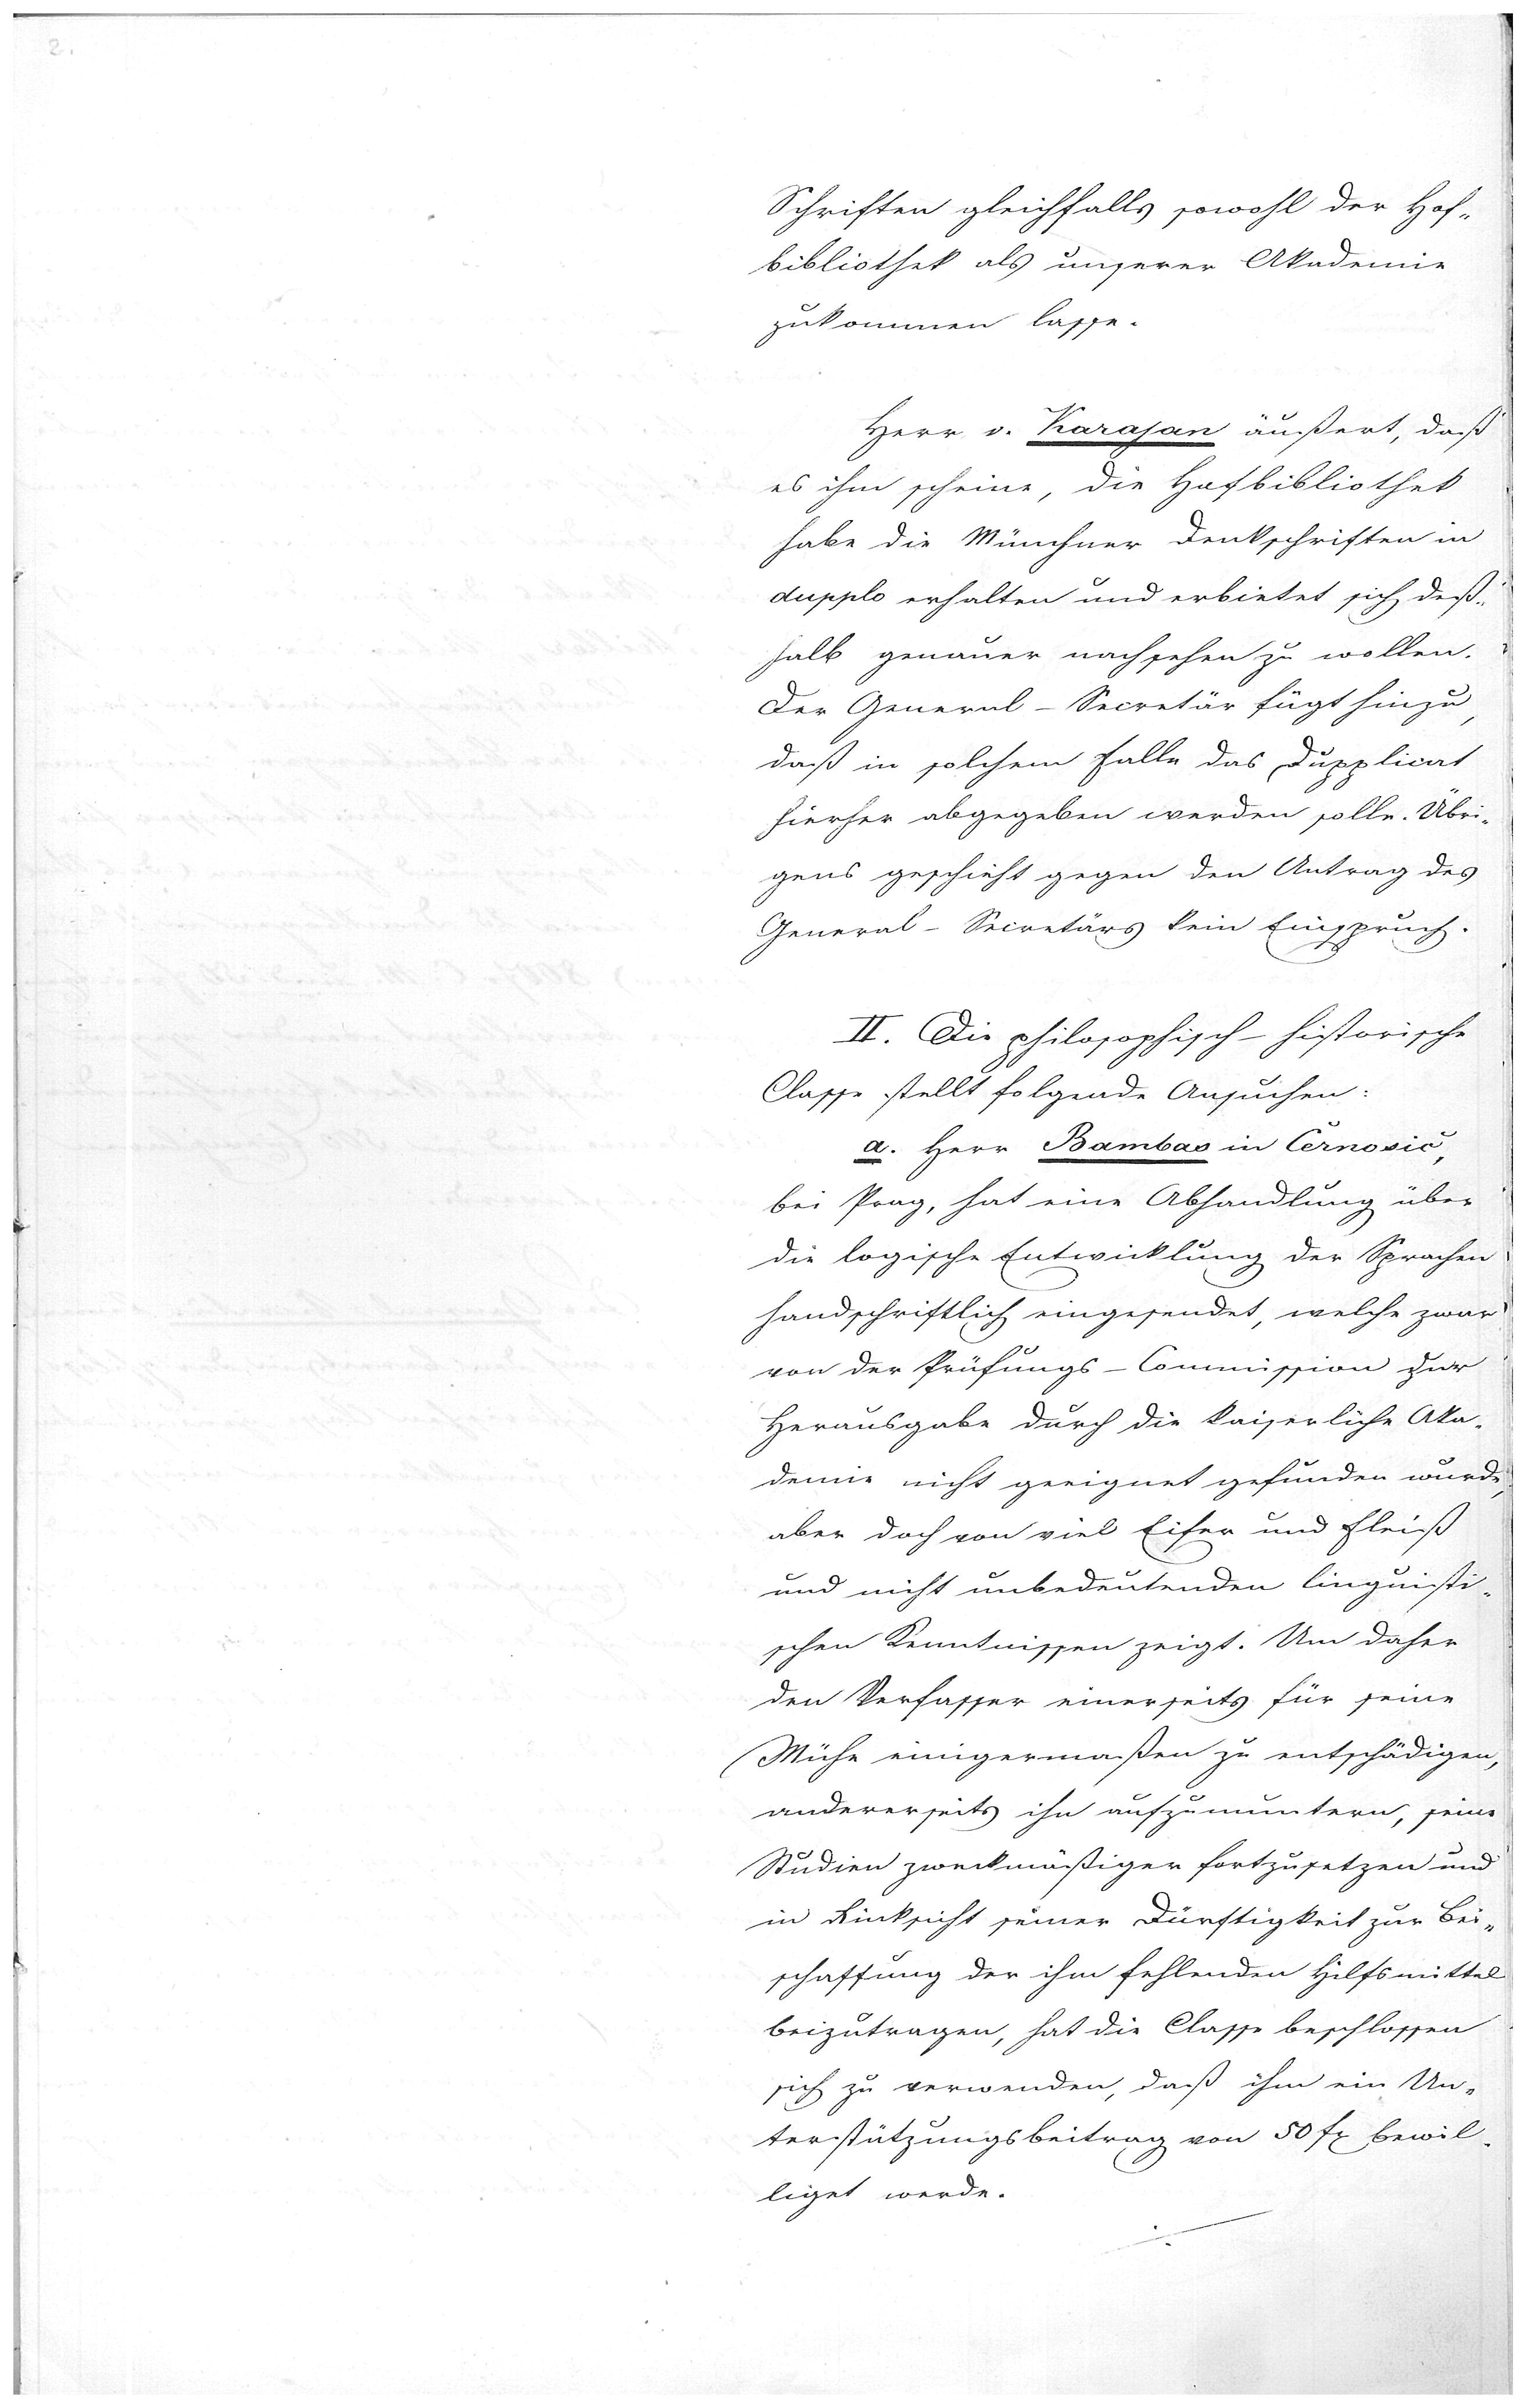Schriften gleichfalls sowohl der Hof-
bibliothek als unserer Akademie
zukommen lasse.
Herr v. Karajan äußert, daß
es ihm scheine, die Hofbibliothek
habe die Münchner Denkschriften in
dupplo erhalten und erbietet sich, deß-
halb genauer nachsehen zu wollen.
Der General-Secretär fügt hinzu,
daß in solchem Falle das Dupplicat
hierher abgegeben werden solle. Übri-
gens geschieht gegen den Antrag des
General-Secretärs kein Einspruch.
II. Die philosophisch-historische
Classe stellt folgende Ansuchen:
a. Herr Bambas in Cernosic
bei Prag, hat eine Abhandlung über
die logische Entwicklung der Sprachen
handschriftlich eingesendet, welche zwar
von der Prüfungs-Commission zur
Herausgabe durch die kaiserliche Aka-
demie nicht geeignet gefunden wurde,
aber doch von viel Eifer und Fleiß
und nicht unbedeutenden linguisti-
schen Kenntnissen zeigt. Um daher
den Verfasser einerseits für seine
Mühe einigermaßen zu entschädigen,
andererseits ihn aufzumuntern, seine
Studien zweckmäßiger fortzusetzen und
in Rücksicht seiner Dürftigkeit zur Bei-
schaffung der ihm fehlenden Hilfsmittel
beizutragen, hat die Classe beschlossen
sich zu verwenden, daß ihm ein Un-
terstützungsbeitrag von 50 fr bewil-
liget werde.